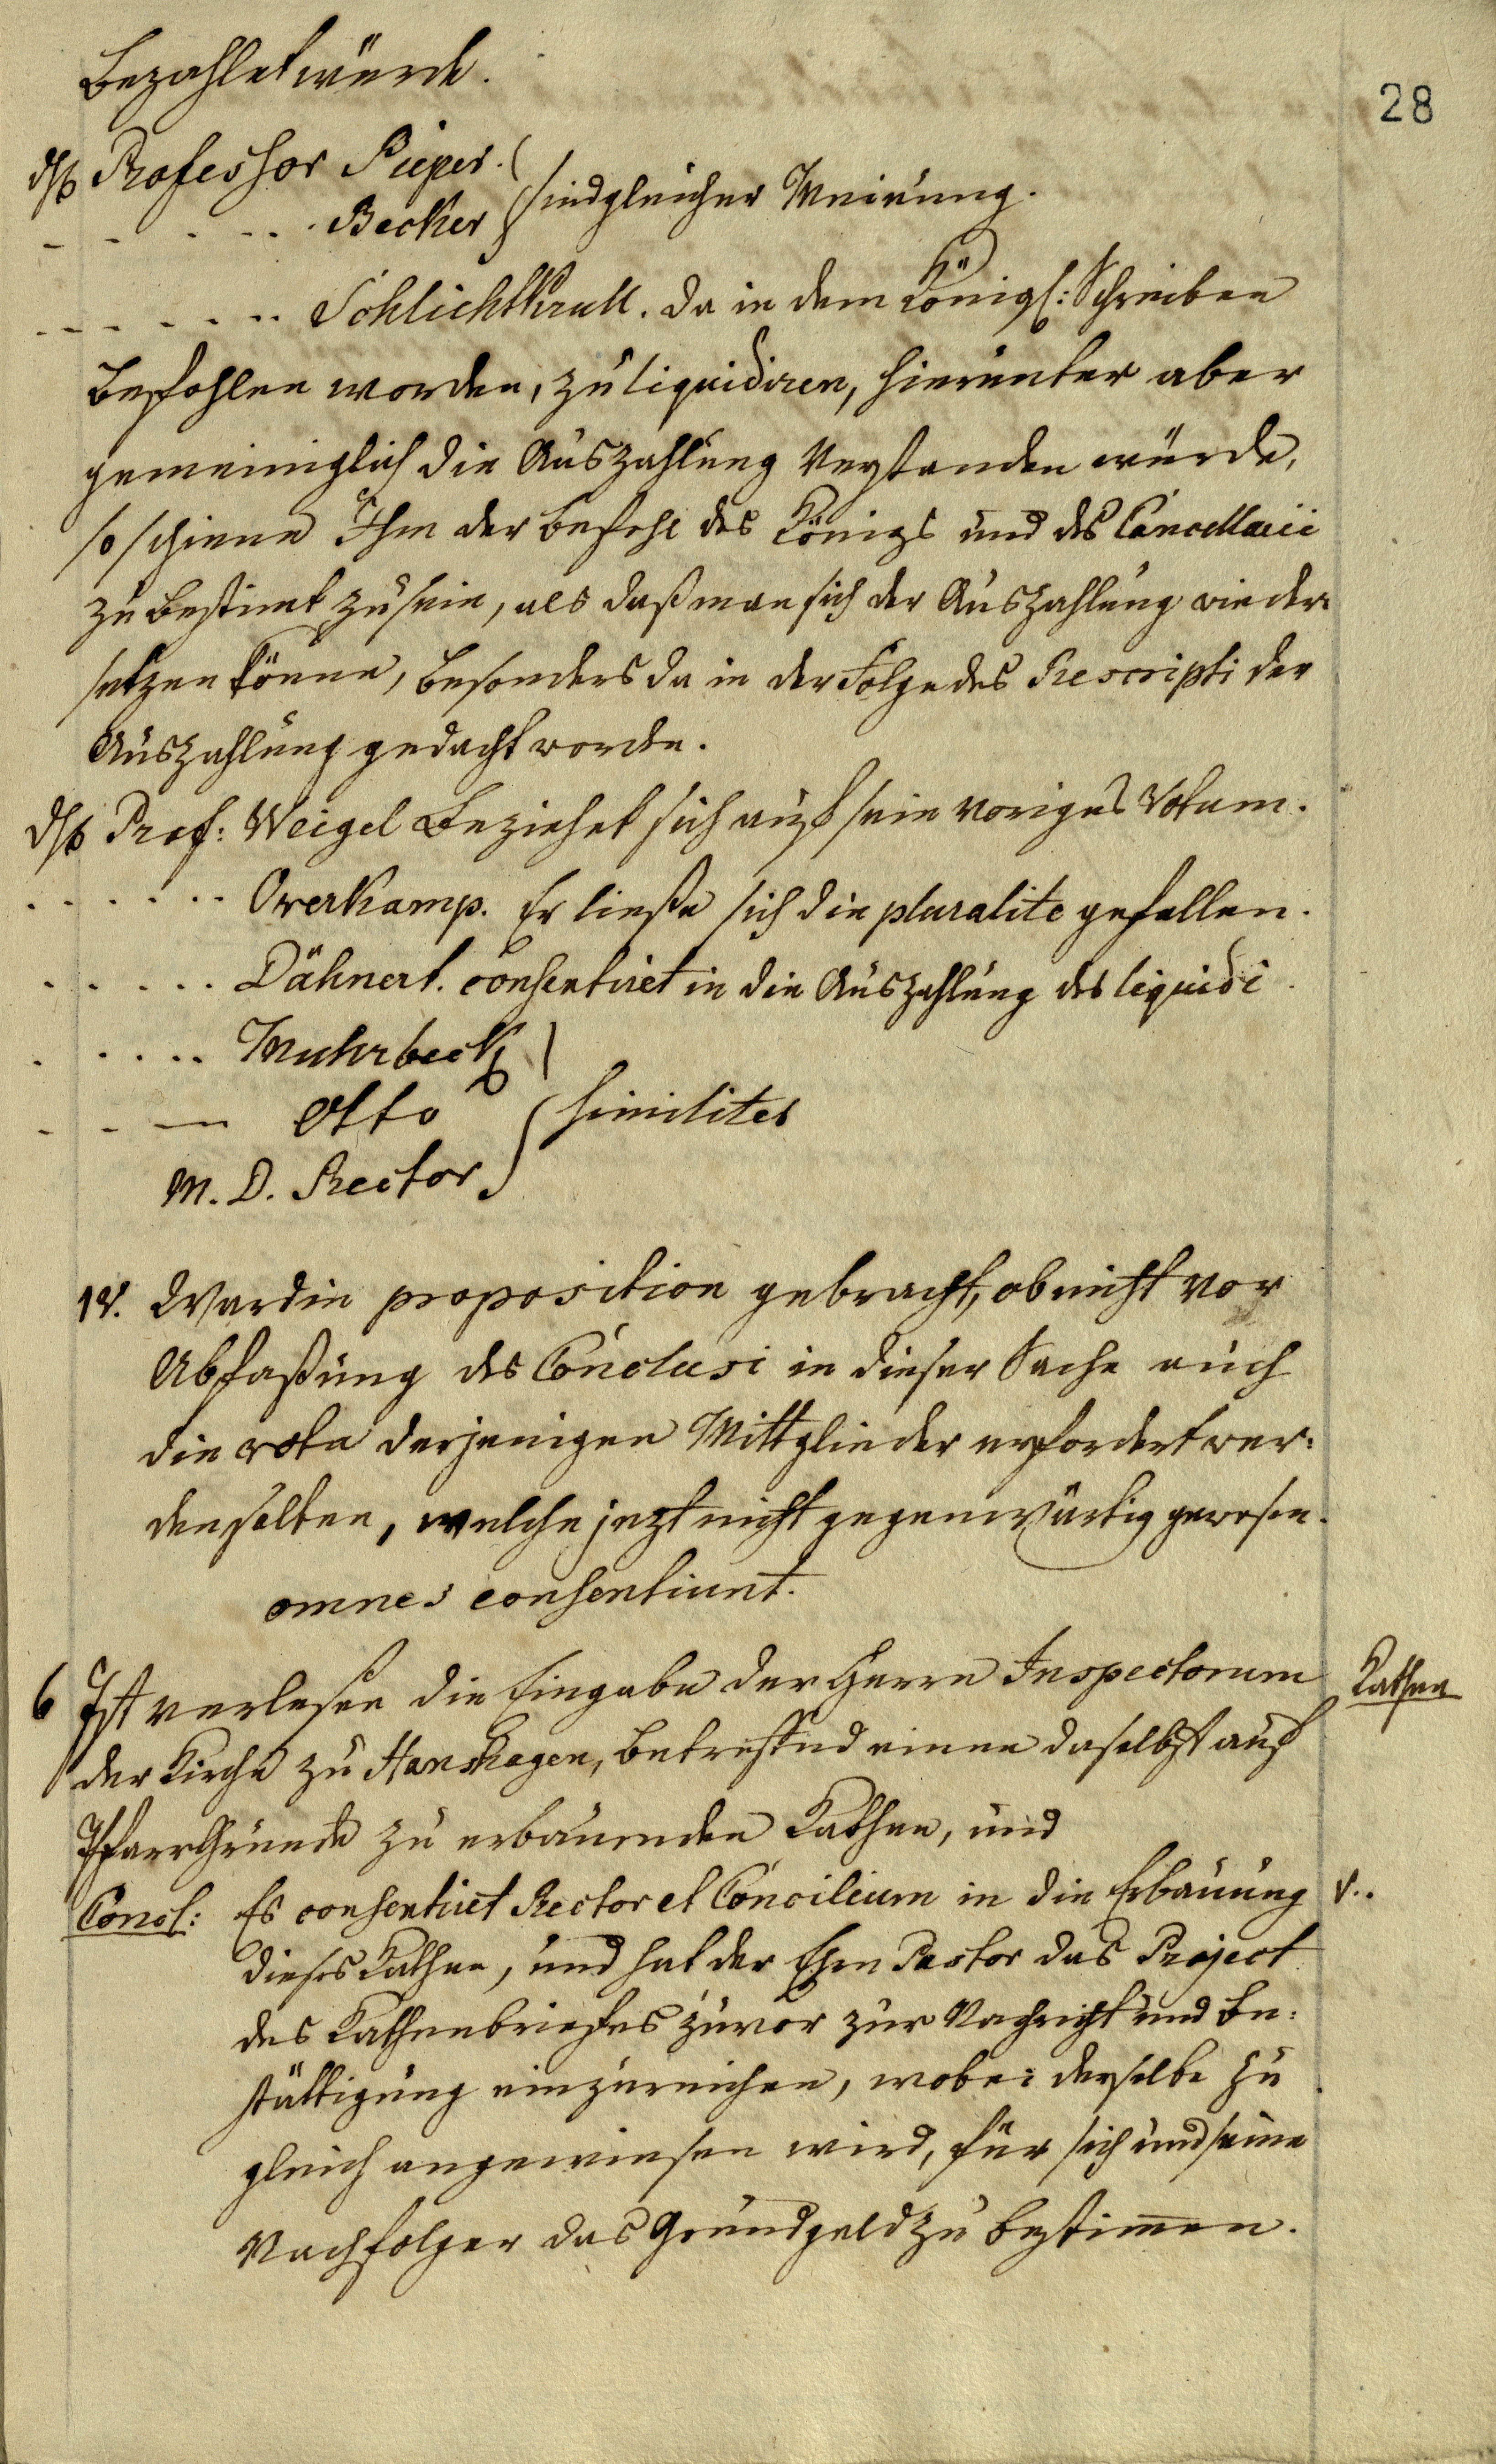bezahlet würde.
dh. Professor Pieper.
sind gleicher Meinung.
Becker
Schlichtkrull. Da in dem Königl. Schreiben
befohlen worden, zu liquidiren, hirunter aber
gemeiniglich die Auszahlung verstanden würde,
so schiene Ihm der Befehl des Königs und des Cancellarii
zu bestimt zu sein, als daß man sich der Auszahlung wieder¬
setzen könne, besonders da in der Folge des Rescripti der
Auszahlung gedacht worden.
dh. Prof. Weigel beziehet sich auf sein voriges Votum.
Overkamp. Er ließe sich die pluralite gefallen.
Dähnert consentiret in die Auszahlung des liquidi.
Muhrbeck
Otto
similiter
M. D. Rector
IV. Ward in proposition gebracht, ob nicht vor
Abfaßung des Conclusi in dieser Sache auch
die vota derjenigen Mitglieder erfordert wer¬
den solten, welche jezt nicht gegenwärtig gewesen.
omnes consentiunt.
6 Ist verlesen die Eingabe der Herrn Inspectorum
der Kirche zu Hanshagen, betreffend einen daselbst auf
Pfarrgründe zu erbauenden Kathen, und
Concl. Es consentiret Rector et Concilium in die Erbauung
dieses Kathen, und hat der Ehm Pastor das Project
des Kathenbriefes zuvor zur Nachricht und Be¬
stättigung einzureichen, wobei derselbe zu¬
gleich angewiesen wird, für sich und seine
Nachfolger das Grundgeld zu bestimen.